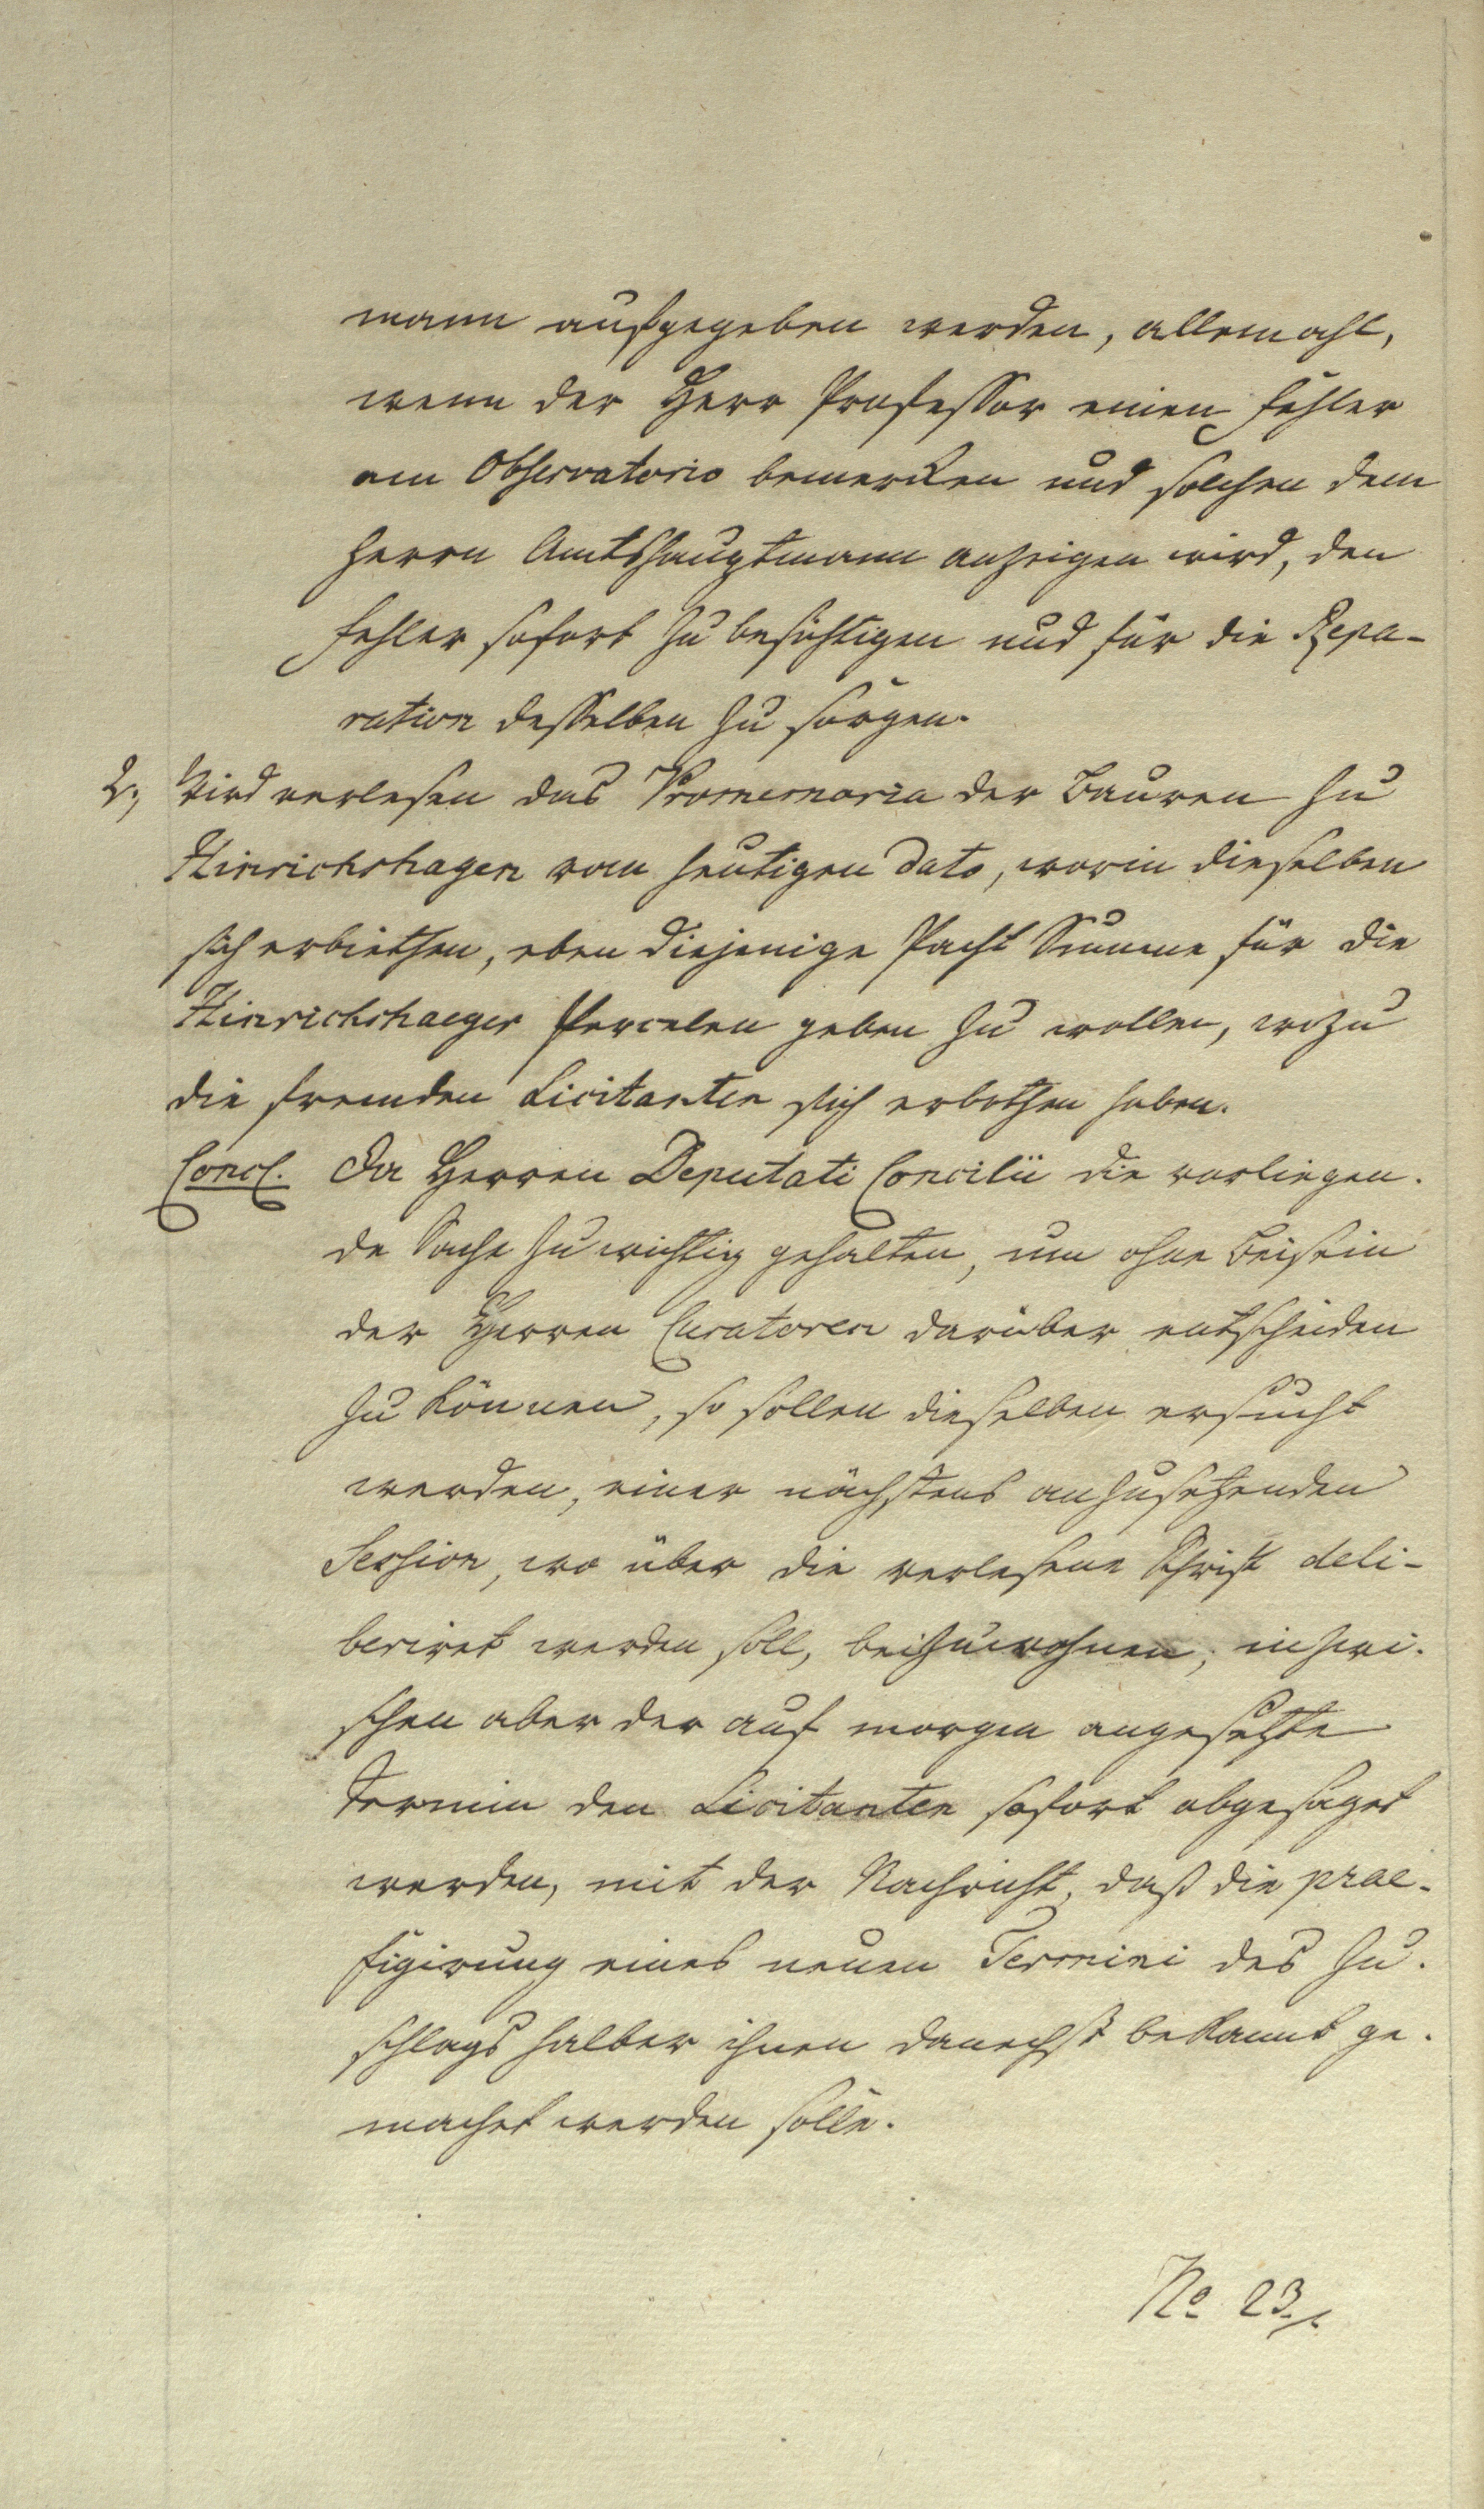mann aufgegeben werden, allemahl,
wenn der Herr Professor einen Fehler
am Observatorio bemercken und solchen dem
Herrn Amtshauptmann anzeigen wird, den
Fehler sofort zu besichtigen und für die Repa¬
ration desselben zu sorgen.
2., Wird verlesen das Promemoria der Bauren zu
Hinrichshagen vom heutigen dato, worin dieselben
sich erbiethen, eben diejenige Pacht Summe für die
Hinrichshaeger Percelen geben zu wollen, wozu
die fremden Licitanten sich erbothen haben.
Concl. Da Herren Deputati Concilii die vorliegen¬
de Sache zu wichtig gehalten, um ohne Beisein
der Herren Curatoren darüber entscheiden
zu können, so sollen dieselben ersucht
werden, einer nächstens anzusetzenden
Session, wo über die verlesene Schrift deli¬
beriret werden soll, beizuwohnen; inzwi¬
schen aber der auf morgen angesetzte
Termin den Licitanten sofort abgesaget
werden, mit der Nachricht daß die prae¬
figirung eines neuen Termini des Zu¬
schlags halber ihnen danechst bekannt ge¬
machet werden solle.
No 23.